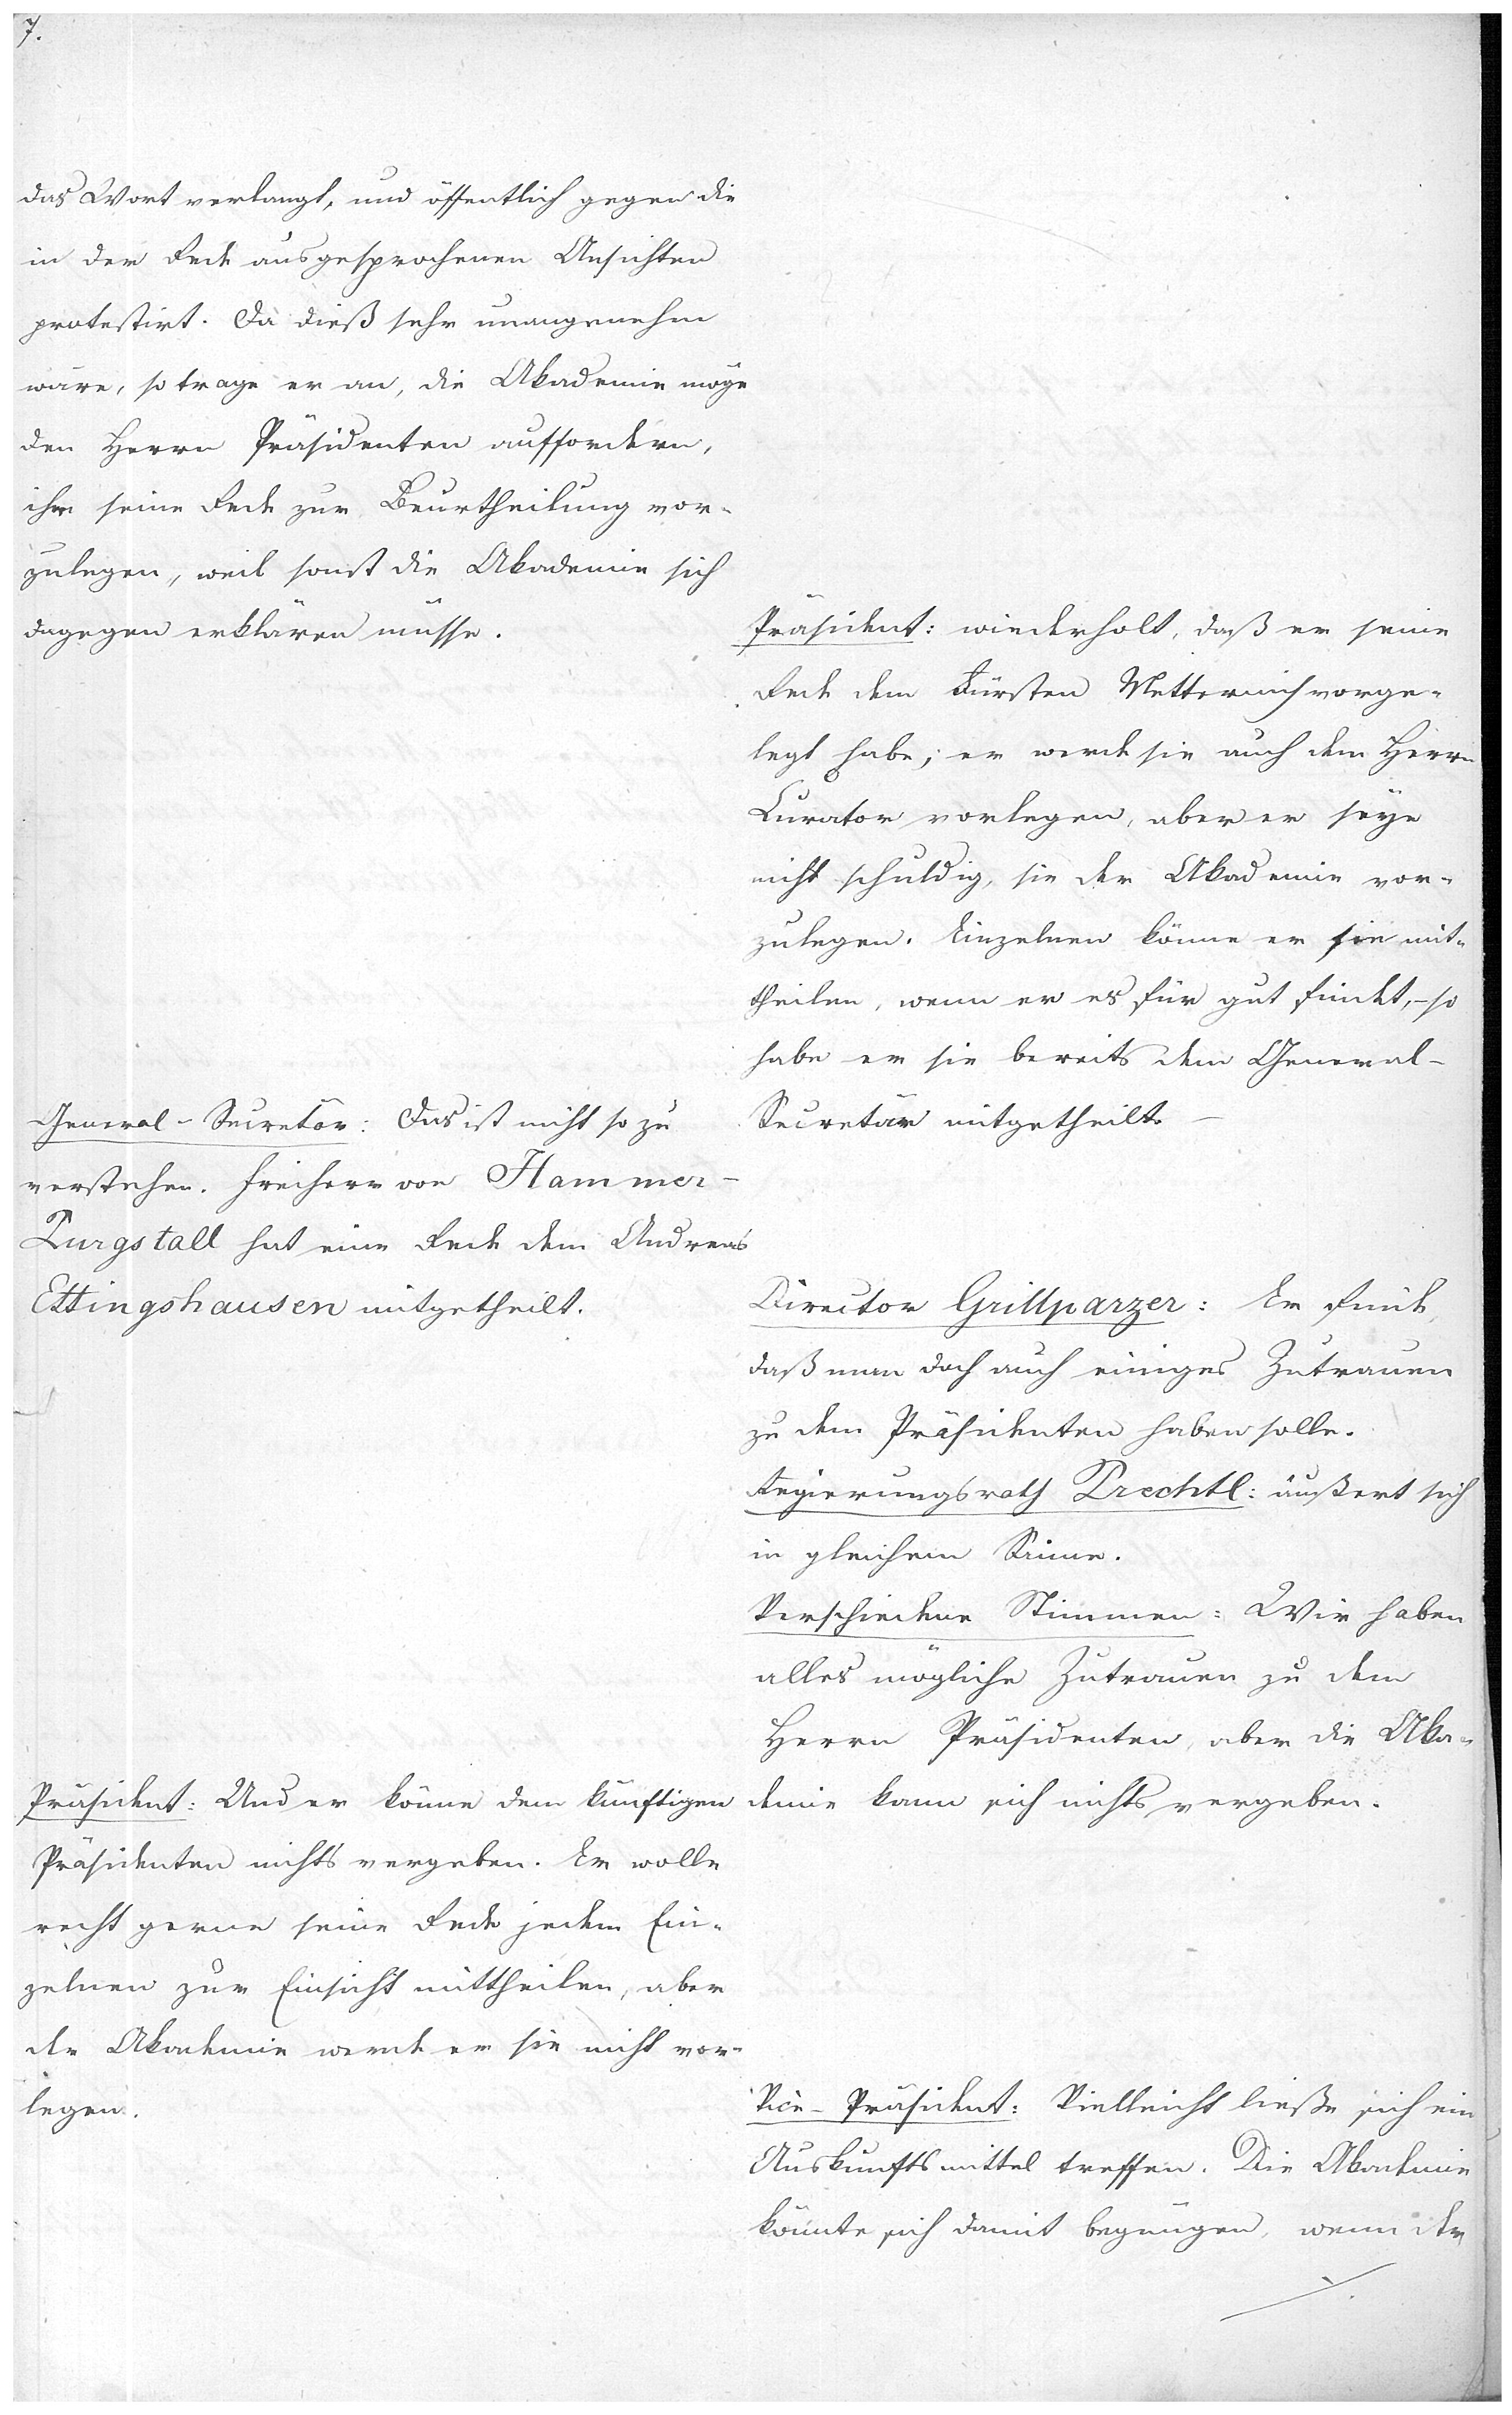das Wort verlangt, und öffentlich gegen die
in der Rede ausgesprochenen Ansichten
protestirt. Da dieß sehr unangenehm
wäre, so trage er an, die Akademie möge
den Herrn Präsidenten auffordern,
ihr seine Rede zur Beurtheilung vor-
zulegen, weil sonst die Akademie sich
dagegen erklären müsse.
Präsident: wiederholt, daß er seine
Rede dem Fürsten Metternich vorge-
legt habe; er werde sie auch dem Herrn
Curator vorlegen, aber er seye
nicht schuldig, sie der Akademie vor-
zulegen. Einzelnen könne er sie mit-
theilen, wenn er es für gut findet, so
habe er sie bereits dem General-
Secretär mitgetheilt.
General-Secretär: Das ist nicht so zu
verstehen. Freiherr von Hammer-
Purgstall hat eine Rede dem Andreas
Ettingshausen mitgetheilt.
Director Grillparzer: Er finde,
daß man doch auch einiges Zutrauen
zu dem Präsidenten haben solle.
Regierungsrath Prechtl: äußert sich
in gleichem Sinne.
Verschiedene Stimmen: Wir haben
alles mögliche Zutrauen zu dem
Herrn Präsidenten, aber die Aka-
demie kann sich nichts vergeben.
Präsident: Und er können dem Künftigen
Präsidenten nichts vergeben. Er wolle
recht gerne seine Rede jedem Ein-
zelnen zur Einsicht mittheilen, aber
der Akademie werde er sie nicht vor-
legen.
Vice-Präsident: Vielleicht ließe sich ein
Auskunftsmittel treffen. Die Akademie
könnte sich damit begnügen, wenn der